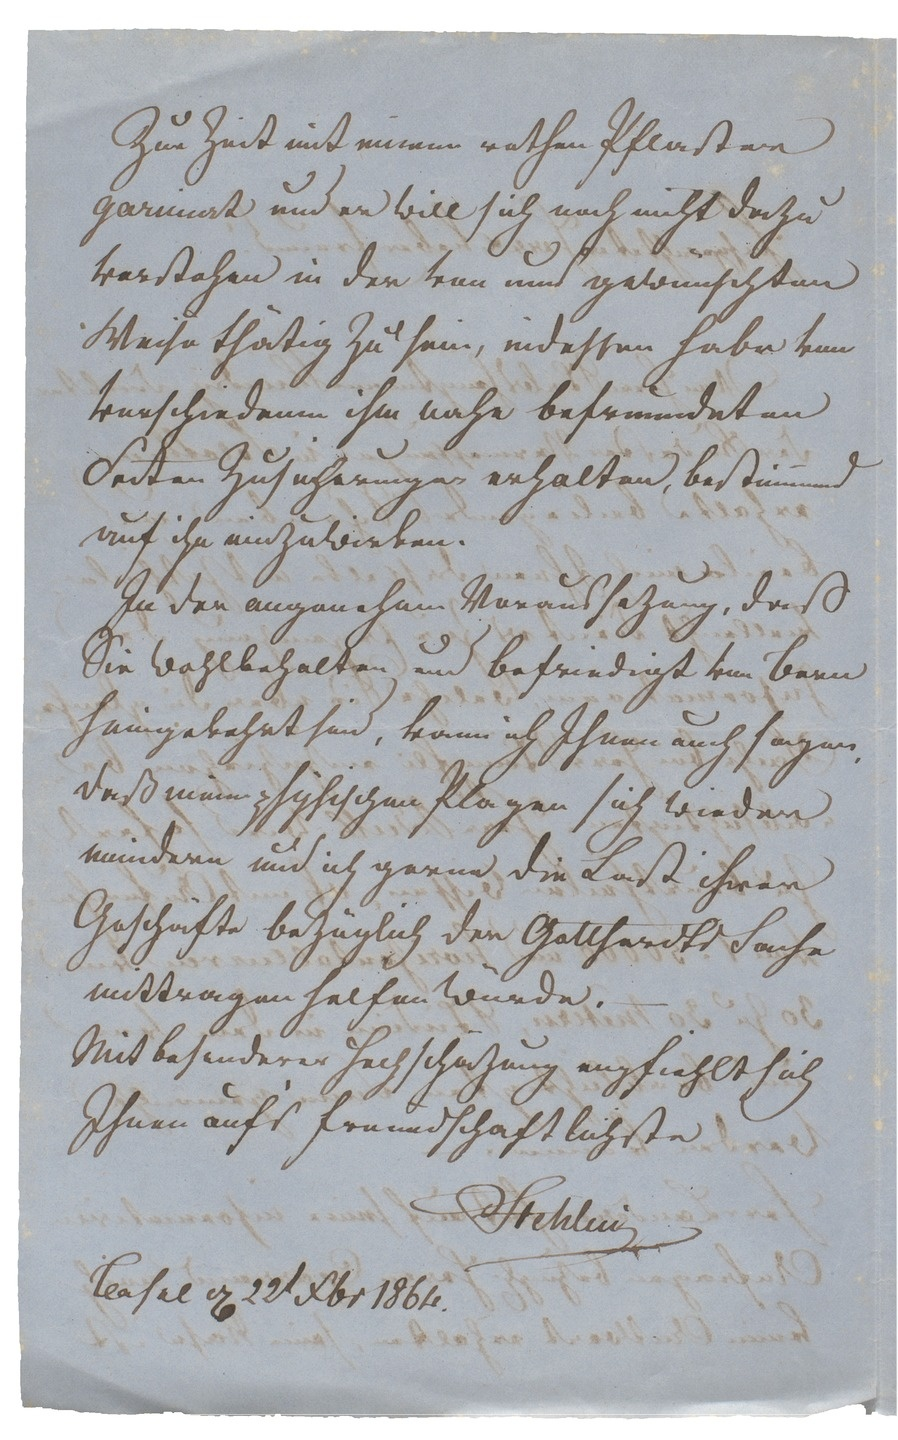zur Zeit mit einem rothen Pflaster
garniert und er will sich noch nicht dazu
verstehen in der von uns gewünschten
Weise thätig zu sein, indessen habe von
verschiedenen ihm nahe befreundeten
Seiten Zusicherungen erhalten, bestimmend
auf ihn einzuwirken.
In der angenehmen Voraussetzung, daß
Sie wohlbehalten und befriedigt von Bern
heimgekehrt sind, kann ich Ihnen auch sagen,
daß meine physischen Plagen sich wieder
mindern und ich gerne die Last ihrer
Geschäfte bezüglich der Gotthardt Sache
mittragen helfen würde. –
Mit besonderer Hochschätzung empfiehlt sich
Ihnen auf's freundschaftlichste
Stehlin
Basel den 22t Xbr 1864.